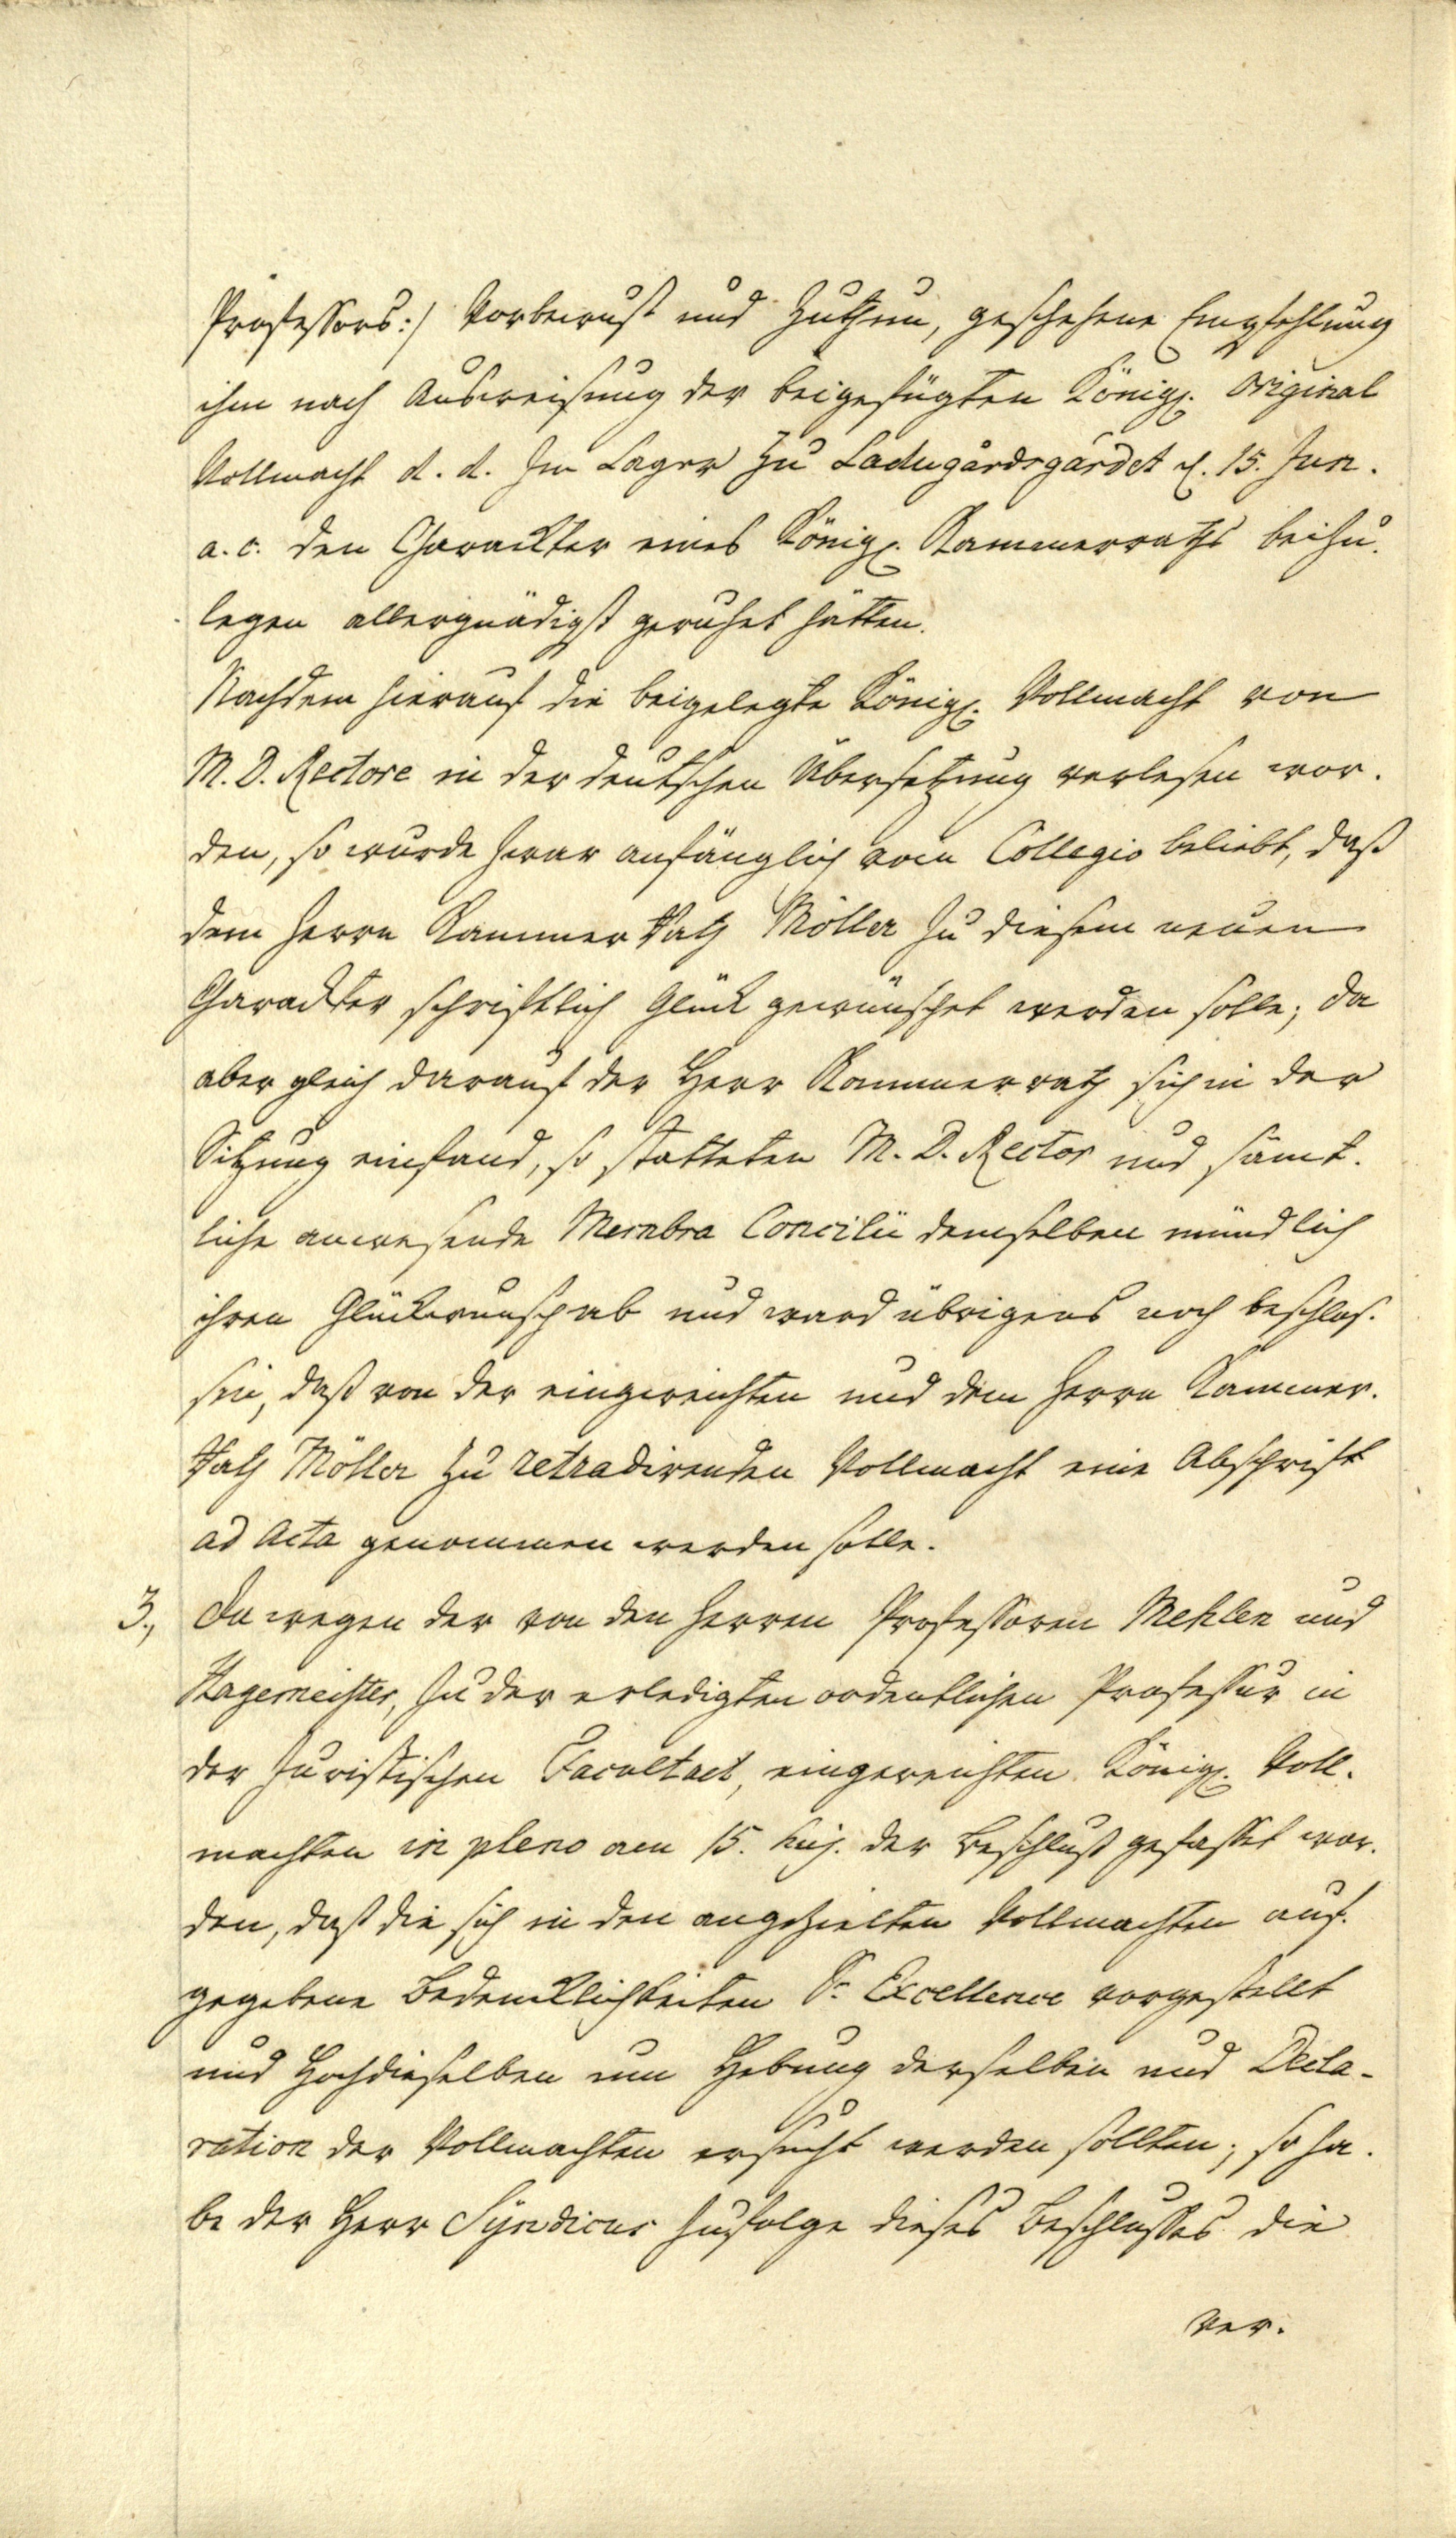Professors / Vorbewust und Zuthun, geschehene Empfehlung
ihm nach Ausweisung der beigefügten Königl. Original
Vollmacht d. d. im Lager zu Ladugårdsgardet v. 15. Jun.
a. c. den Charackter eines Königl. Kammerraths beizu¬
legen allergnädigst geruhet hätten.
Nachdem hierauf die beigelegte Königl. Vollmacht von
M. D. Rectore in der deutschen Übersetzung verlesen wor¬
den, so wurde zwar anfänglich vom Collegio beliebt, daß
dem herrn Kammer Rath Möller zu diesem neuen
Charackter schriftlich Glück gewünschet werden solle, da
aber gleich darauf der Herr Kammerrath sich in der
Sitzung einfand, so statteten M. D. Rector und sämt¬
liche anwesende Membra Concilii demselben mündlich
ihren Glückwunsch ab und ward überigens noch beschlos¬
sen, daß von der eingereichten und dem herrn Kammer¬
Rath Möller zu retradirenden Vollmacht eine Abschrift
ad Acta genommen werden solle.
3., Da wegen der von den herren Professoren Mehlen und
Hagemeister, zu der erledigten ordentlichen Professur in
der Juristischen Facultaet, eingereichten Königl. Voll¬
machten in pleno am 15. huj. der Beschluß gefasset wor¬
den, daß die sich in den angezielten Vollmachten auf¬
gegebene Bedencklichkeiten Sr. Excellence vorgestellt
und Hochdieselben um Hebung derselben und Decla¬
ration der Vollmachten ersucht werden sollten; so ha¬
be der Herr Sÿndicus zufolge dieses Beschlusses die
ver